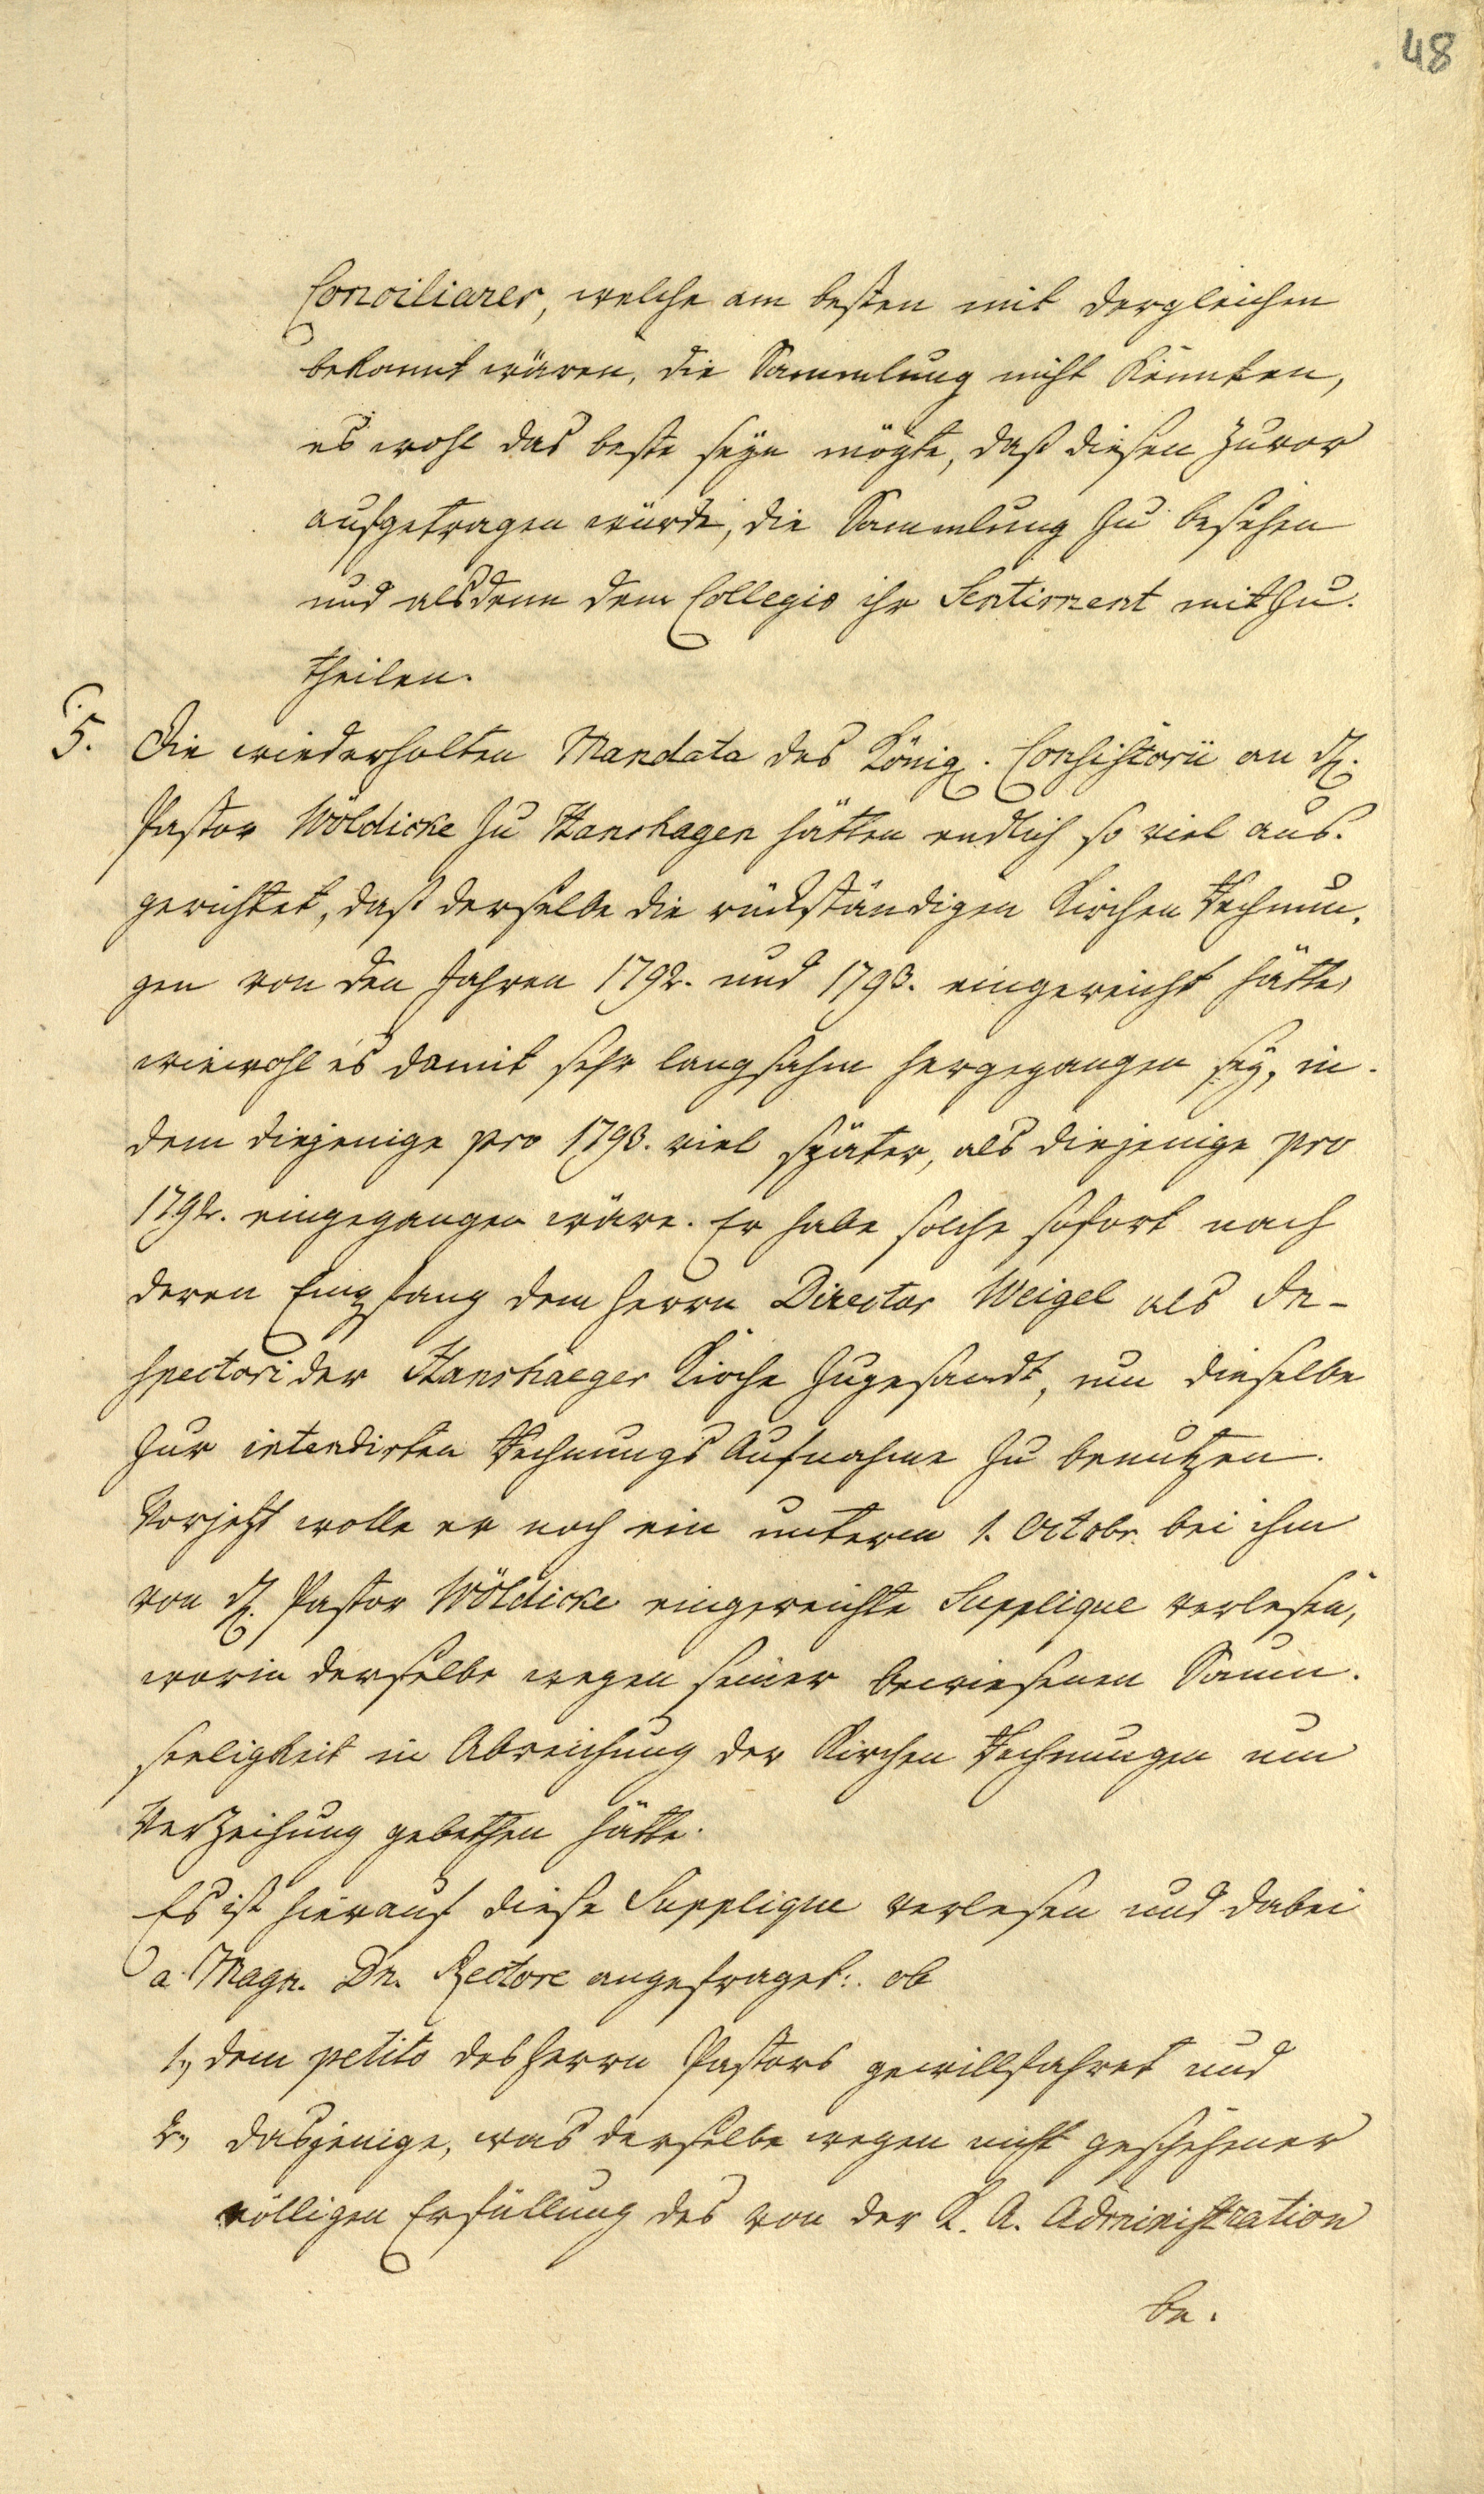Conciliares, welche am besten mit dergleichen
bekannt wären, die Sammlung nicht kennten,
es wohl das beste seyn mögte, daß diesen zuvor
aufgetragen würde, die Sammlung zu besehen
und alsdenn dem Collegio ihr Sentiment mitzu
theilen.
5. Die wiederholten Mandate des Königl. Consistorii an dh.
Pastor Wöldicke zu Hanshagen hätten endlich so viel aus-
gerichtet, daß derselbe die rückständigen Kirchen Rechnun-
gen von den Jahren 1792 und 1793. eingereicht hätte,
wiewohl es damit sehr langsahm hergegangen sey, in
dem diejenige pro 1793 viel später, als diejenige pro
1792. eingegangen wäre. Er habe solche sofort nach
deren Empfang dem herrn Director Weigel als In-
spectori der Hanshaeger Kirche zugesandt, um dieselbe
zur intendirten Rechnungs Aufnahme zu benutzen.
Vorjetzt wolle er noch ein unterm 1. Octobr. bei ihm
von dh. Pastor Wöldicke eingereichte Supplique verlesen,
worin derselbe wegen seiner bewiesenen Saum-
seeligkeit in Abreichung der Kirchen Rechnungen um
Verzeihung gebethen hätte.
Es ist hierauf diese Supplique verlesen und dabei
a Magn. Dn. Rectore angefraget: ob
1., dem petito des herrn Pastors gewillfahret und
2., dasjenige, was derselbe wegen nicht geschehener
völligen Erfüllung des von der K. A. Administration
be-